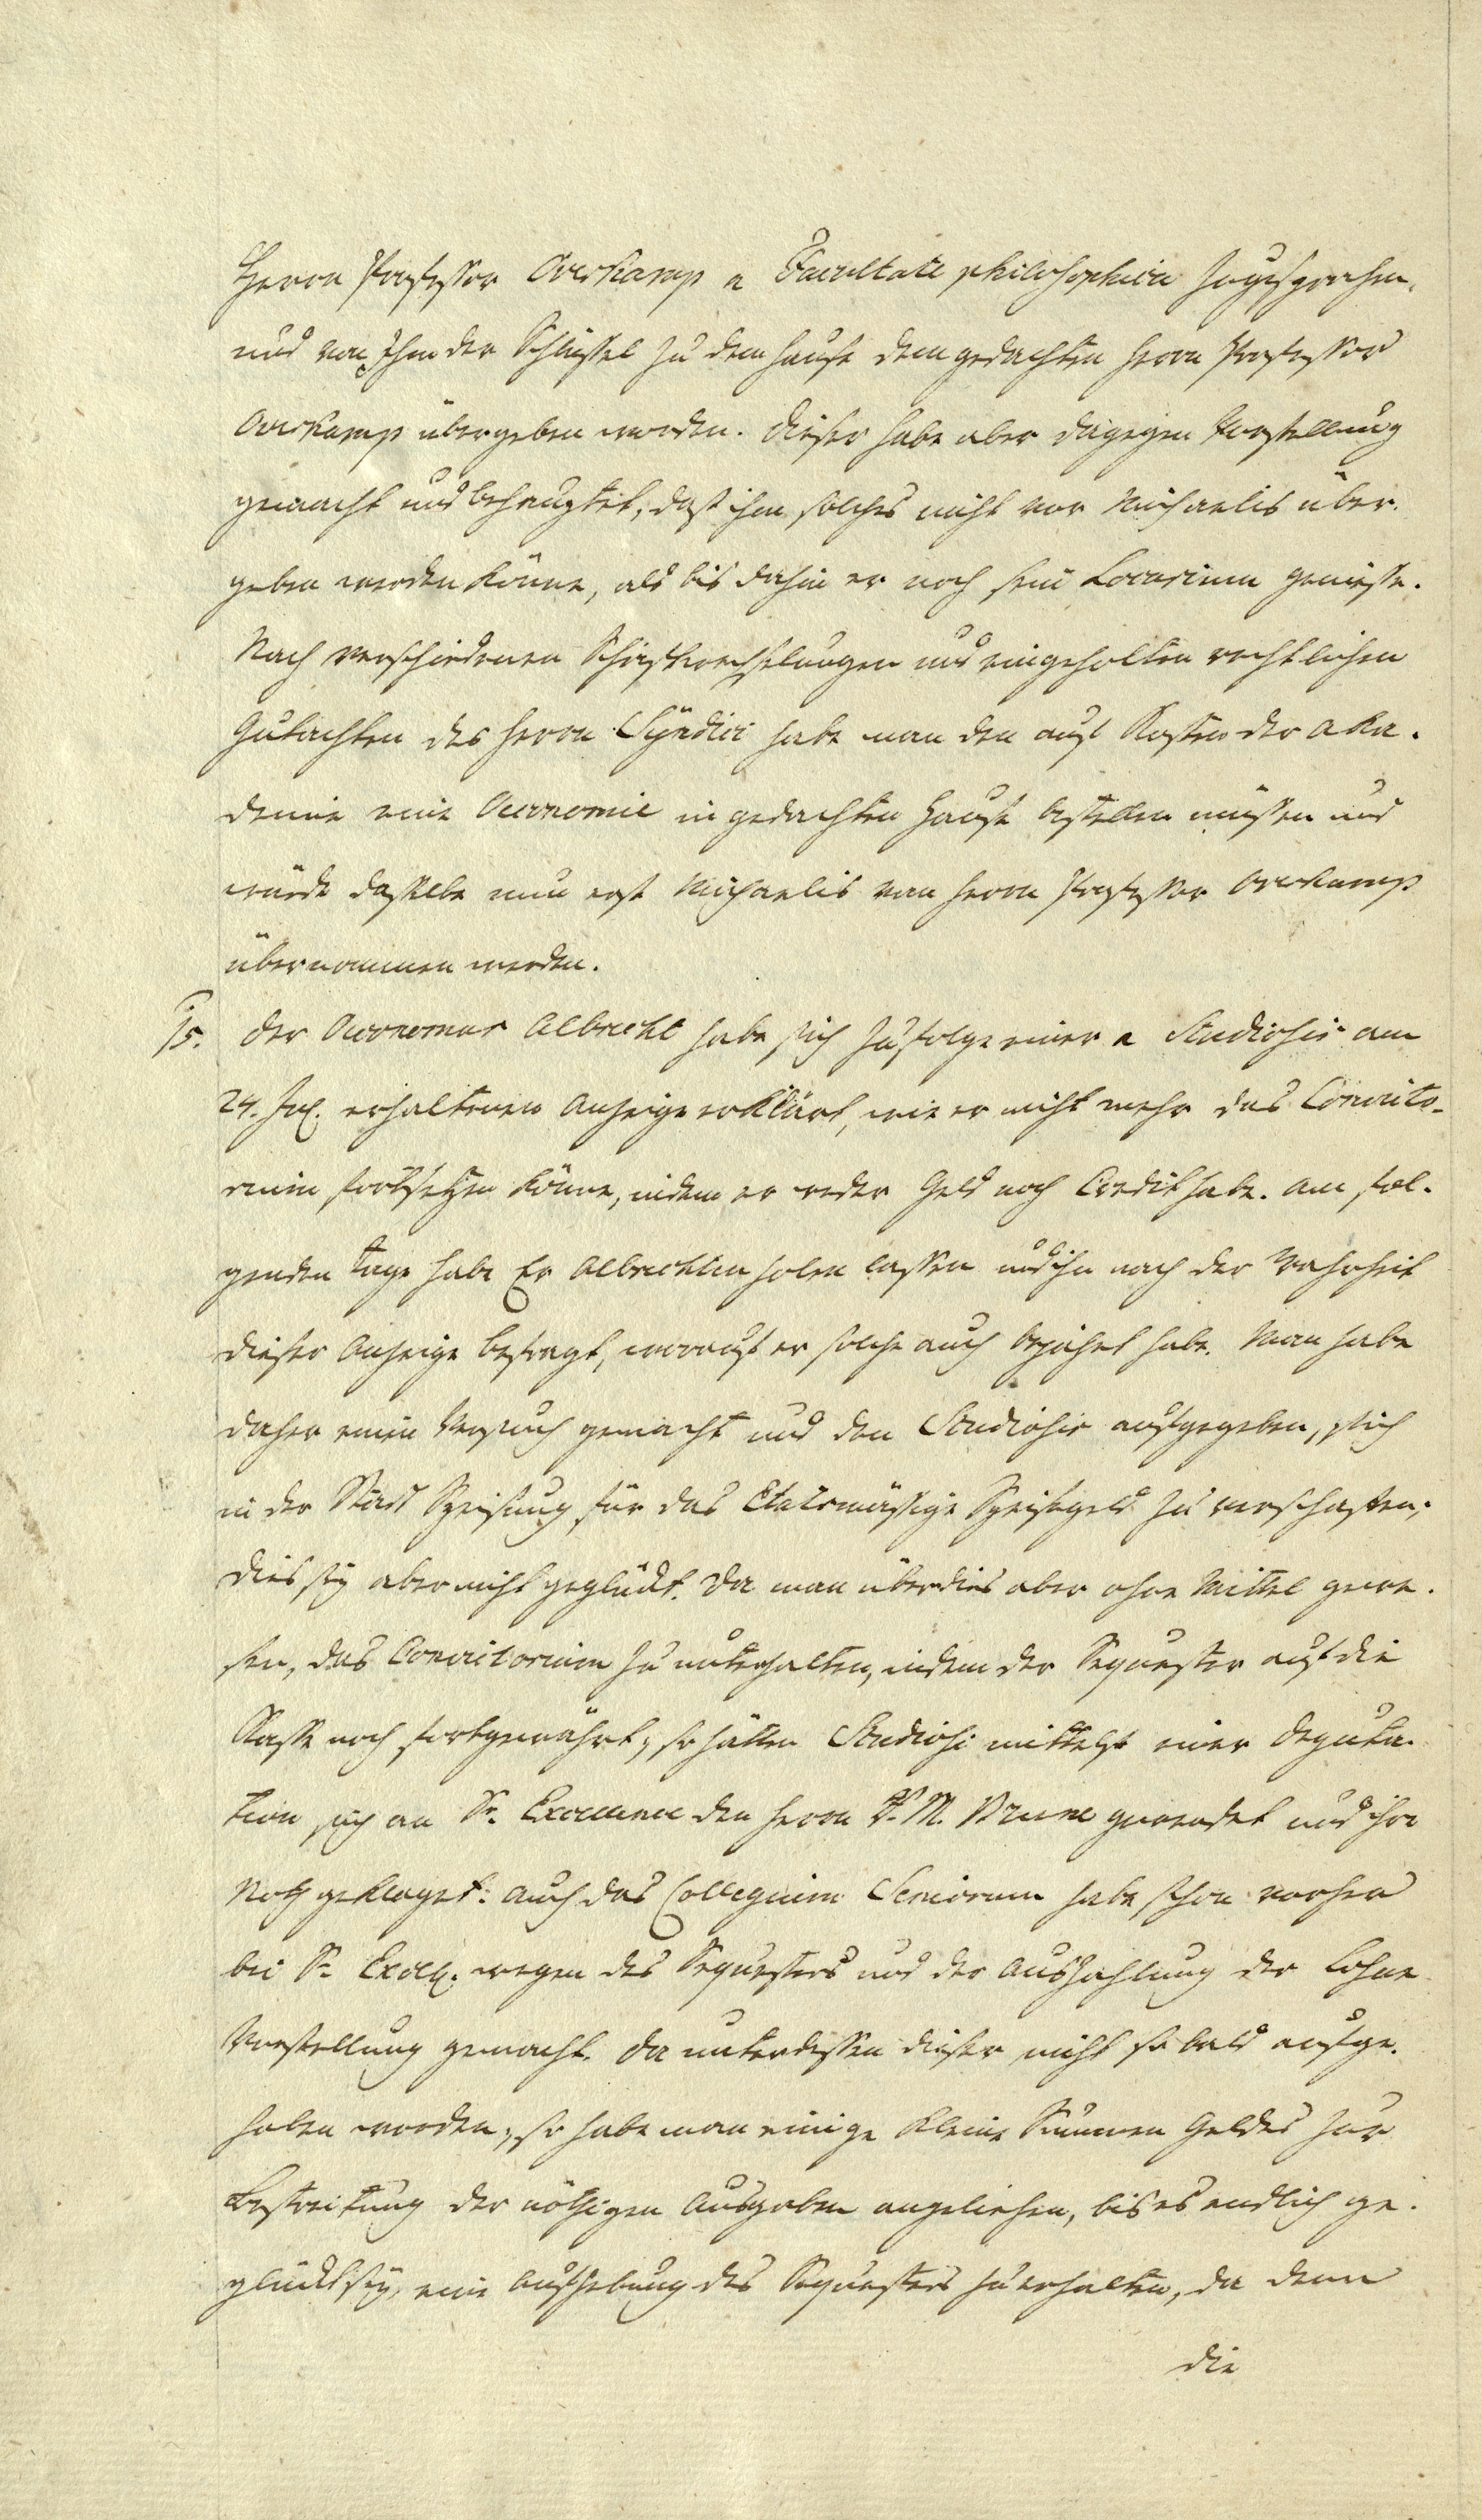Herrn Professor Overkamp a Facultate philosophica zugesprochen,
und von ihm der Schlüssel zu dem Hause dem gedachten Herrn Professor
Overkamp übergeben worden. Dieser habe aber dagegen Vorstellung
gemacht und behauptet, daß ihm solches nicht vor Michaelis über¬
geben werden könne, als bis dahin er noch sein Locarium geniesse.
Nach verschiedenen Schriftwechselungen und eingeholten rechtlichen
Gutachten des Herrn Sÿndici habe man den auf Kosten der Aka¬
demie eine Oeconomie in gedachten Hause bestellen müssen und
würde dasselbe nun erst Michaelis von Herrn Professor Overkamp
übernommen werden.
15. Der Oeconomus Albrecht habe sich zufolge einer a Studiosis am
24. Jul.. erhaltenen Anzeige erklärt, wie er nicht mehr das Convicto¬
rium fortsetzen könne, indem er weder Geld noch Credit habe. Am fol¬
genden Tage habe Er Albrechten holen lassen undihn nach der Wahrheit
dieser Anzeige befragt, worauf er solche auch bejahet habe. Man habe
daher einen Versuch gemacht und den Studiosis aufgegeben, sich
in der Stadt Speisung für das Etatsmäßige Speisegeld zu verschaffen;
dies seÿ aber nicht geglückt. Da man überdies aber ohne Mittel gewe¬
sen, das Convictorium zu unterhalten, indem der Sequester auf die
Casse noch fortgewährt; so hätten Studiosi mittelst einer Deputa¬
tion sich an Sr. Excellence den Herrn R. M. Brune gewendet und ihre
Noth geklaget: auch das Collegium Seniorum habe schon vorher
bei Sr Excel. wegen des Sequesters und der Auszahlung der Lohne
Vorstellung gemacht. Da unterdessen dieser nicht so bald aufge¬
hoben worden, so habe man einige kleine Summen Geldes zur
Bestreitung der nöthigen Ausgaben angeliehen, bis es endlich ge¬
glückt seÿ, eine Aufhebung des Sequesters zuerhalten, da denn
die